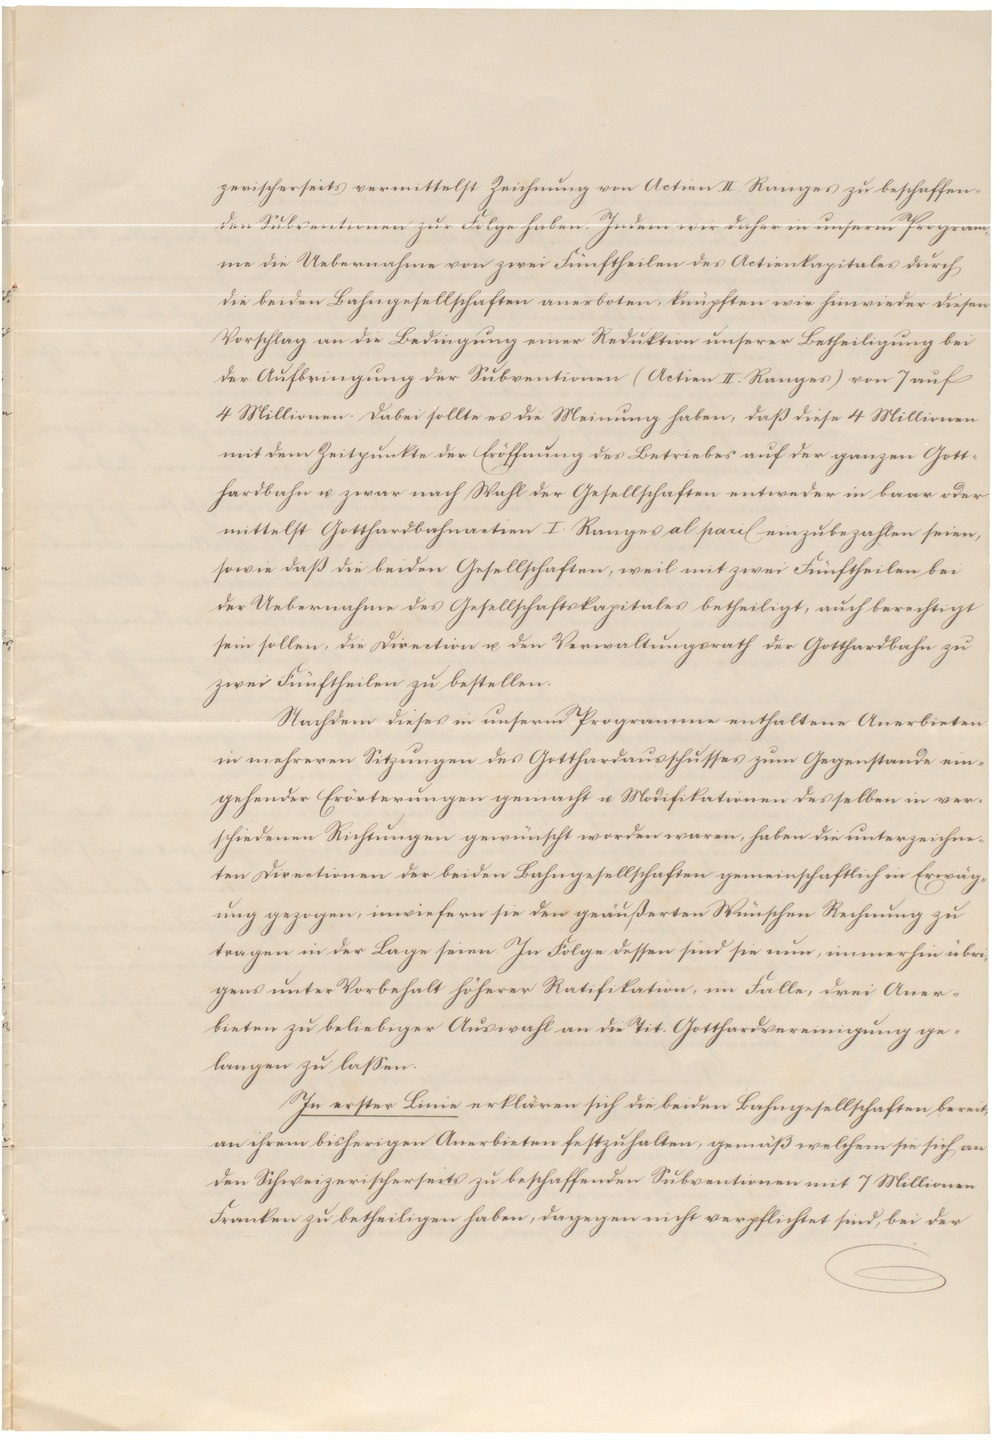zerischerseits vermittelst Zeichnung von Actien II. Ranges zu beschaffen-
den Subventionen zur Folge haben. Indem wir daher in unserm Program-
me die Uebernahme von zwei Fünftheilen des Actienkapitales durch
die beiden Bahngesellschaften anerboten, knüpften wir hinwieder diesen
Vorschlag an die Bedingung einer Reduktion unserer Betheiligung bei
der Aufbringung der Subventionen (Actien II. Ranges) von 7 auf
4 Millionen. Dabei sollte es die Meinung haben, daß diese 4 Millionen
mit dem Zeitpunkte der Eröffnung des Betriebes auf der ganzen Gott-
hardbahn & zwar nach Wahl der Gesellschaften entweder in baar oder
mittelst Gotthardbahnactien I. Ranges al pari einzubezahlen seien,
sowie daß die beiden Gesellschaften, weil mit zwei Fünftheilen bei
der Uebernahme des Gesellschaftskapitales betheiligt, auch berechtigt
sein sollen, die Direction & den Verwaltungsrath der Gotthardbahn zu
zwei Fünftheilen zu bestellen.
Nachdem dieses in unserm Programme enthaltenen Anerbieten
in mehreren Sitzungen des Gotthardausschusses zum Gegenstande ein-
gehender Erörterungen gemacht & Modifikationen desselben in ver-
schiedenen Richtungen gewünscht worden waren, haben die unterzeichne-
ten Directionen der beiden Bahngesellschaften gemeinschaftlich in Erwäg-
ung gezogen, inwiefern sei den geäußerten Wünschen Rechnung zu
tragen in der Lage seien. In Folge dessen sind sie nun, immerhin übri-
gens unter Vorbehalt höherer Ratifikation, im Falle, drei Aner-
bieten zu beliebiger Auswahl an die Tit. Gotthardvereinigung ge-
langen zu lassen.
In erster Linie erklären sich die beiden Bahngesellschaften bereit,
an ihrem bisherigen Anerbieten festzuhalten, gemäß welchem sie sich an
den Schweizerischerseits zu beschaffenden Subventionen mit 7 Millionen
Franken zu betheiligen haben, dagegen nicht verpflichtet sind, bei der